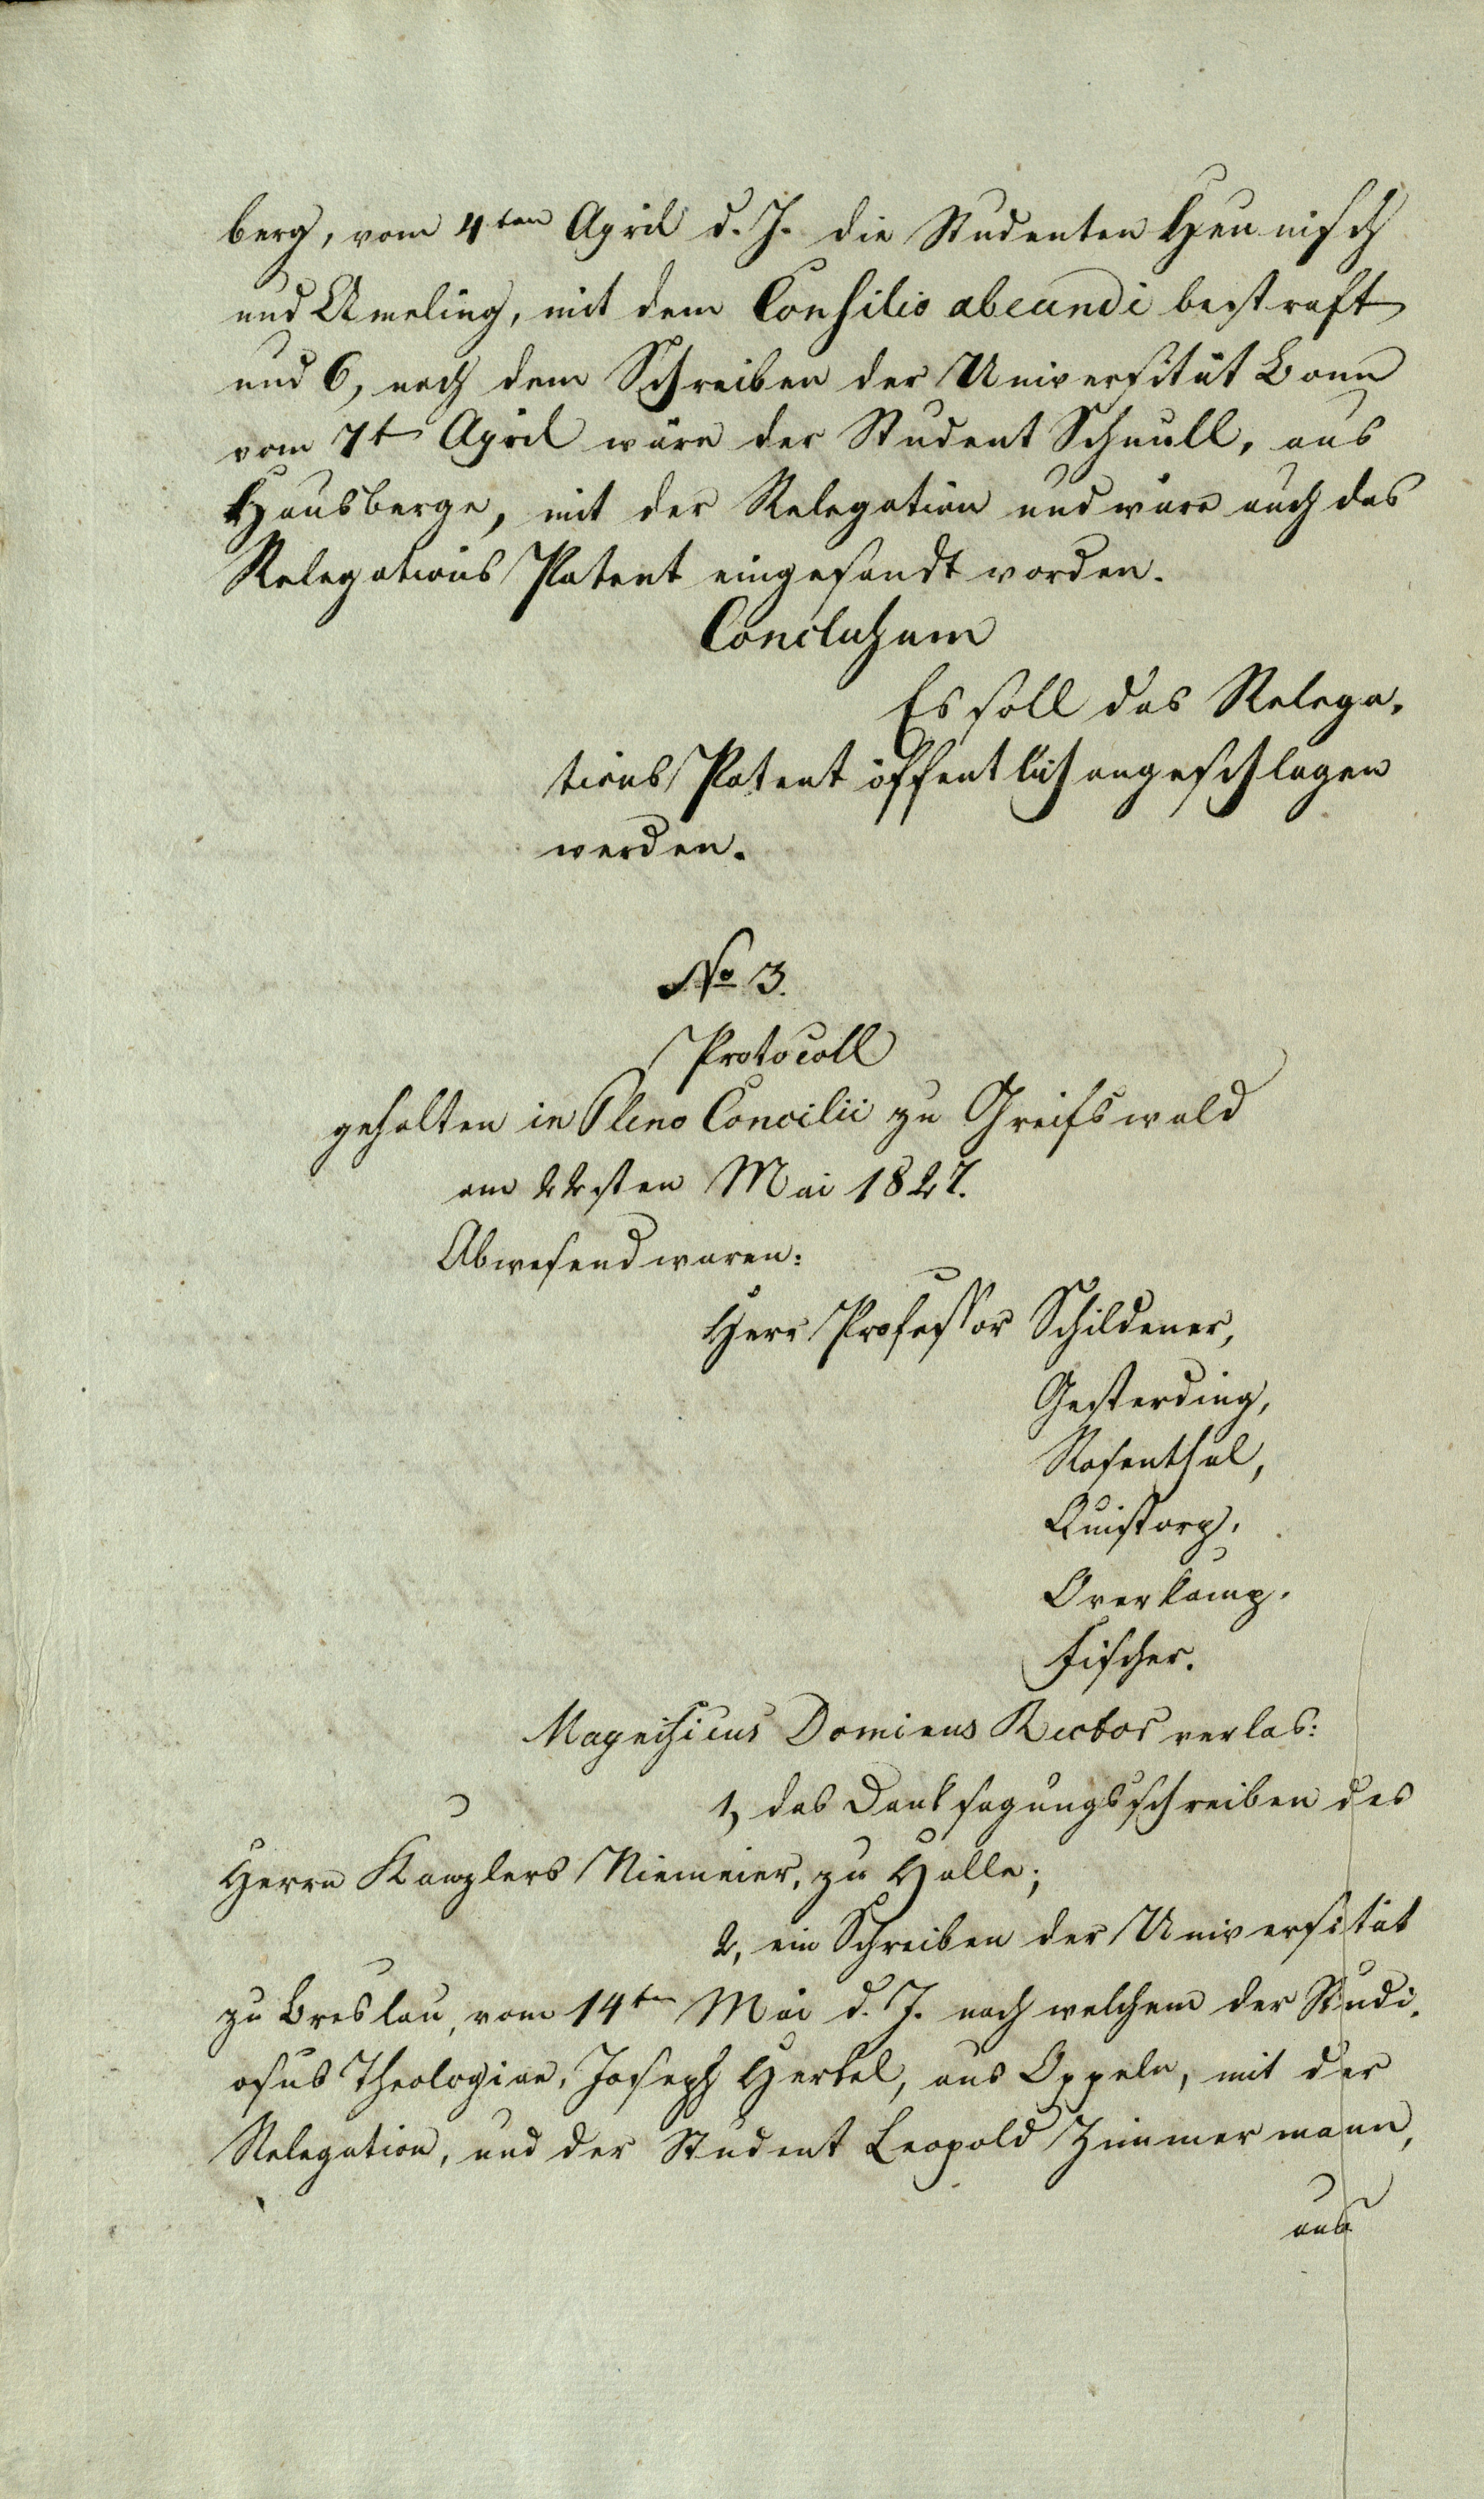berg, vom 4ten April d. J. die Studenten Heunisch
und Ameling, mit dem Consilio abeundi bestraft
und 6, nach dem Schreiben der Universität Bonn
vom 7ten April wäre der Student Schnull, aus
Hausberge, mit der Relegation und wäre auch das
Relegations Patent eingesandt worden.
Conclusum
Es soll das Relega¬
tionsPatent öffentlich angeschlagen
werden.
Nº 3.
Protocoll
gehalten in Pleno Concilii zu Greifswald
am 22sten Mai 1827.
Abwesend waren:
Herr Professor Schildener,
Gesterding,
Rosenthal,
Quistorp,
Overkamp,
Fischer.
Magnificus Dominus Rector verlas:
1, das Danksagungsschreiben des
Herrn Kanzlers Niemer, zu Halle;
2, ein Schreiben der Universität
zu Breslau, vom 14ten Mai d. J. nach welchem der Studi¬
osus Theologiae, Joseph Hertel, aus Oppeln, mit der
Relegation, und der Student Leopold Zimmermann,
aus